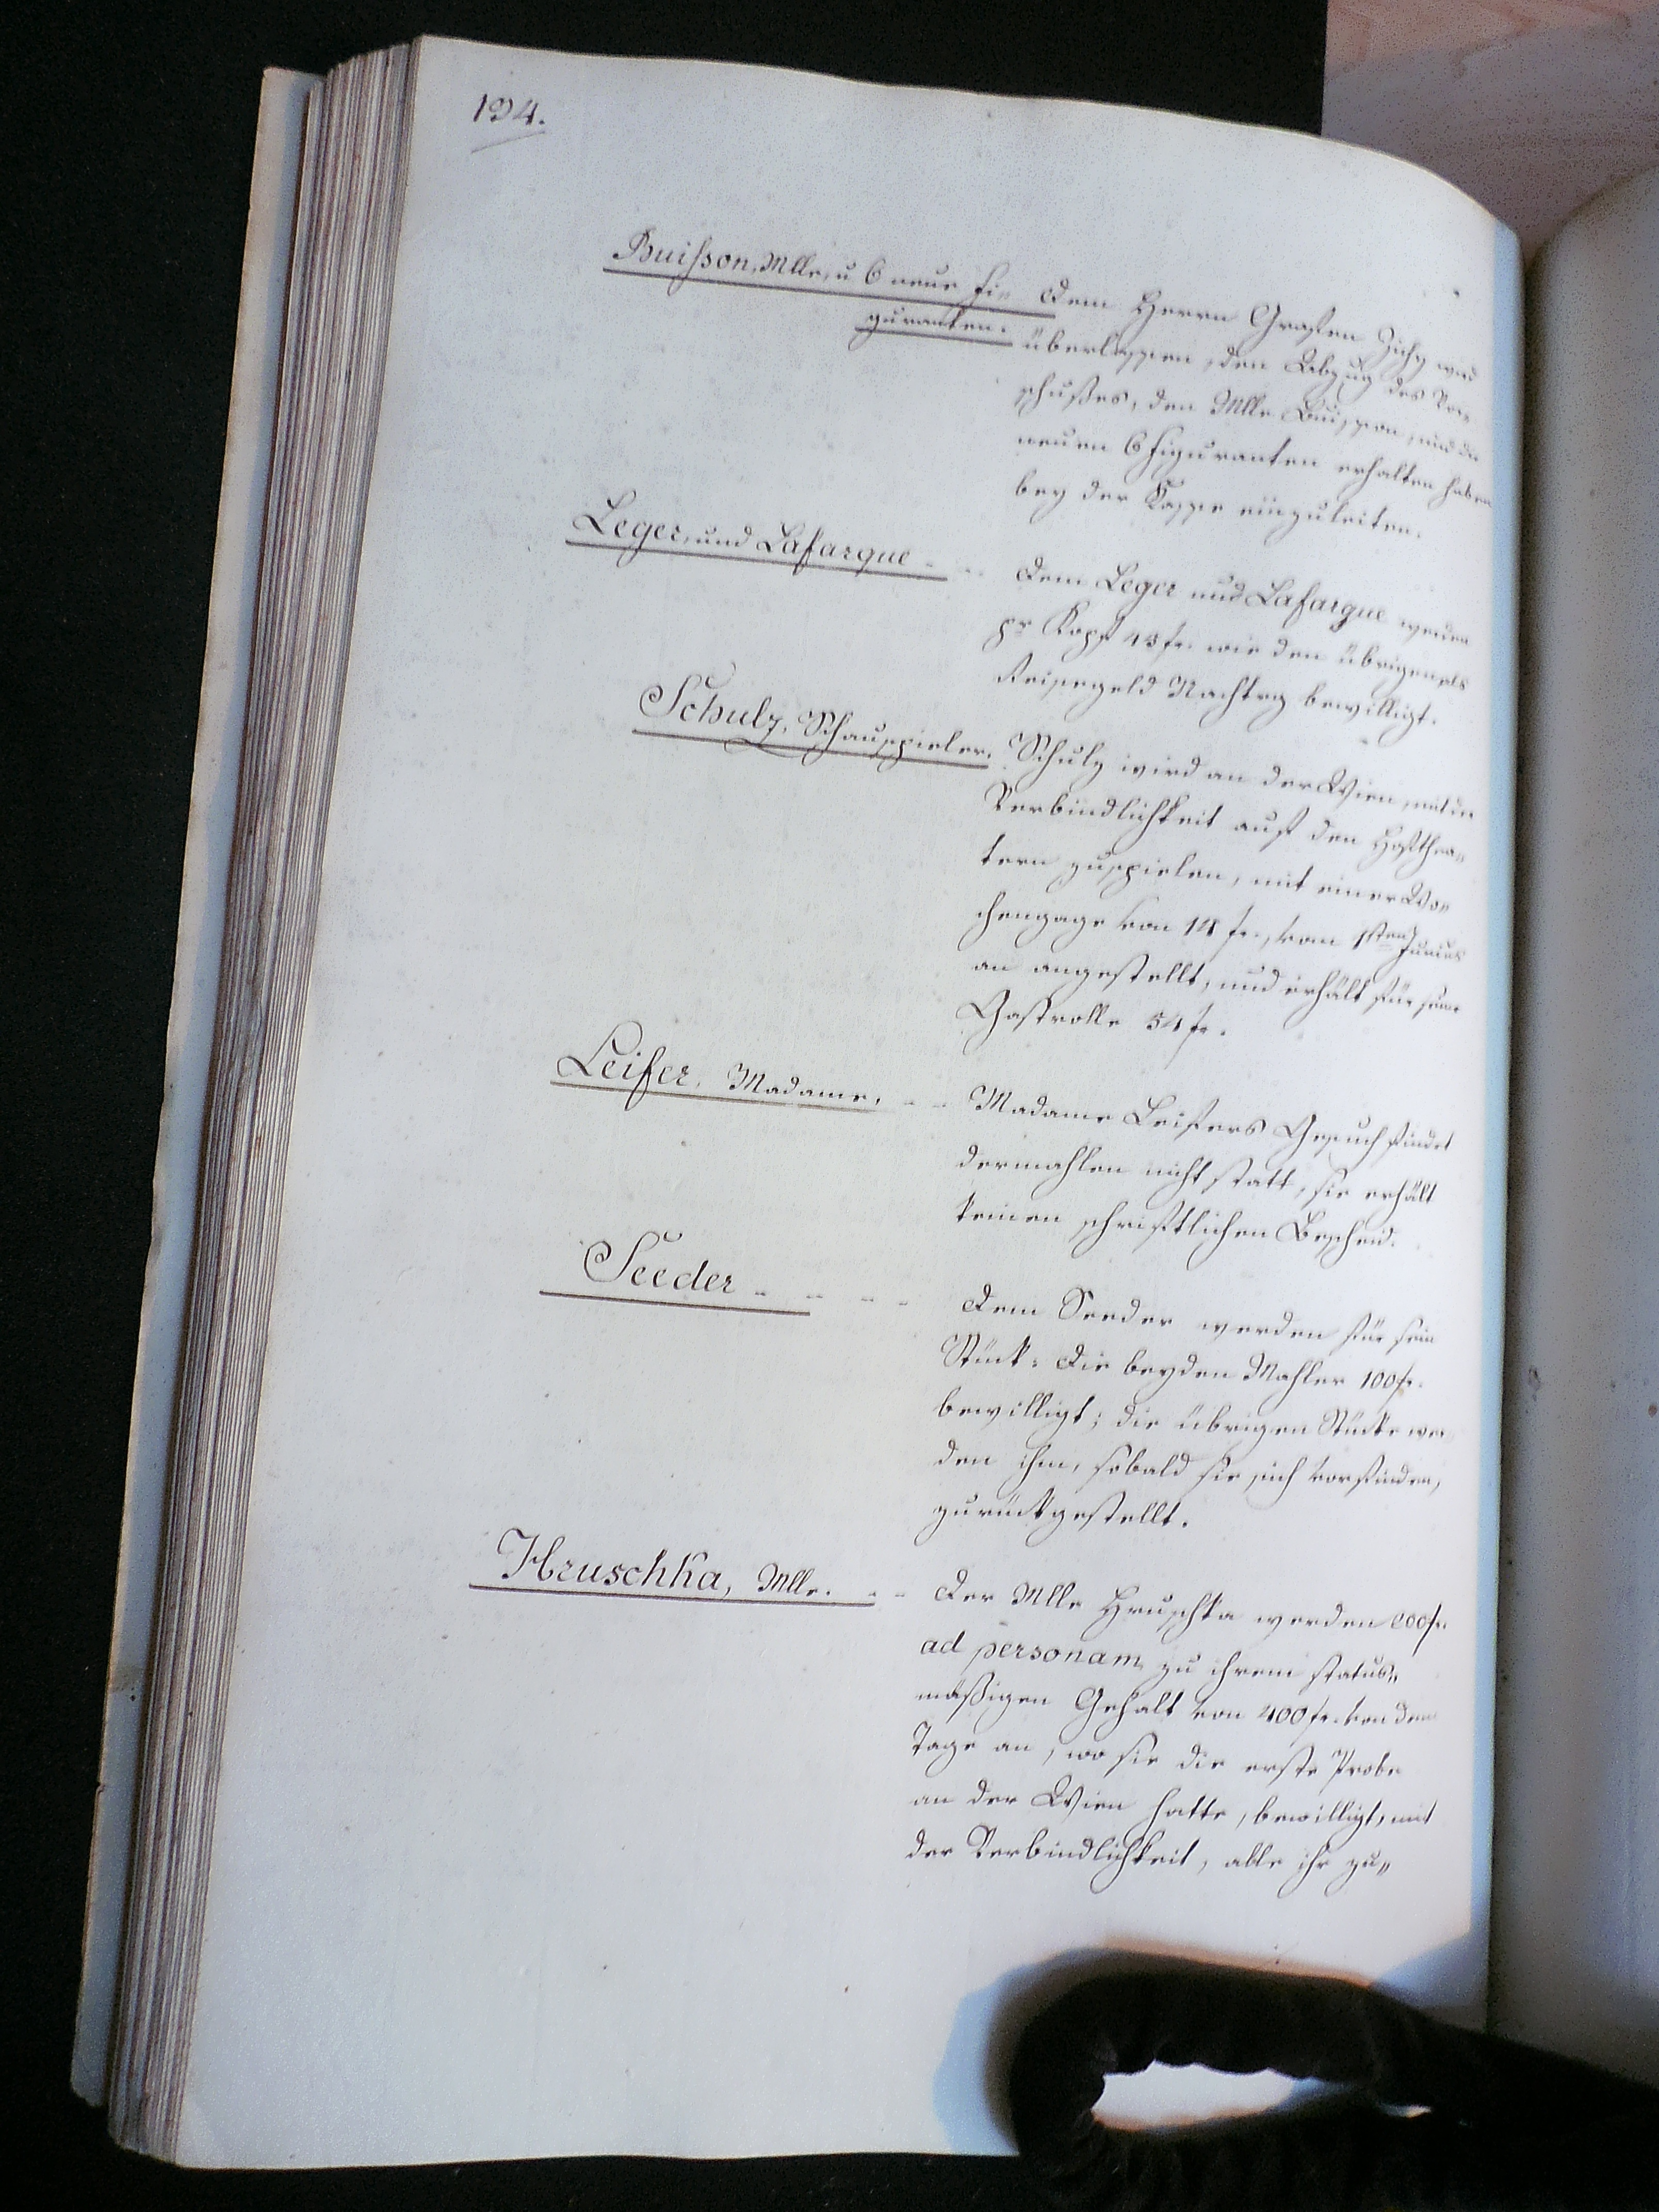134.
Buisson, Mlle, u 6 neue Fi¬
guranten.
Dem Herrn Grafen Zichy wird
überlassen, den Abzug des Vor¬
schußes, der Mlle. Buisson, und der
neuen 6 Figuranten erhalten haben
bey der Kasse einzuleiten.
Leger, und Lafarque .. .. Dem Leger und Lafarque werden
pr͇ Kopf 45 fr. wie den übrigen als
Reisegeld Nachtrag bewilligt.
Schulz, Schauspieler. Schulz wird an der Wien, mit in
Verbindlichkeit auf den Hofthea¬
tern zuspielen, mit einer Wo¬
chengage von 14 fr., vom 1ste͇n Junius
an angestellt, und erhält fir seine
Gastrolle 54 fr.
Leifer, Madame, .. .. Madame Leifers Gesuch findet
dermahlen nicht statt, sie erhält
keinen schriftlichen Bescheid.
Seeder .. .. .. .. Dem Seeder werden für sein
Stück: Die beyden Mahler 100fr.
bewilligt; die übrigen Stücke wer¬
den ihm, sobald sie sich vorfinden,
zurückgestellt.
Hruschka, Mlle. .. .. Der Mlle Hruschka werden 800fr.
ad personam zu ihrem status¬
mäßigen Gehalt von 400 fr. von dem
Tage an, wo sie die erste Proe
an der Wien hatte, bewilligt, mit
der Verbindlichkeit, alle ihr zu¬